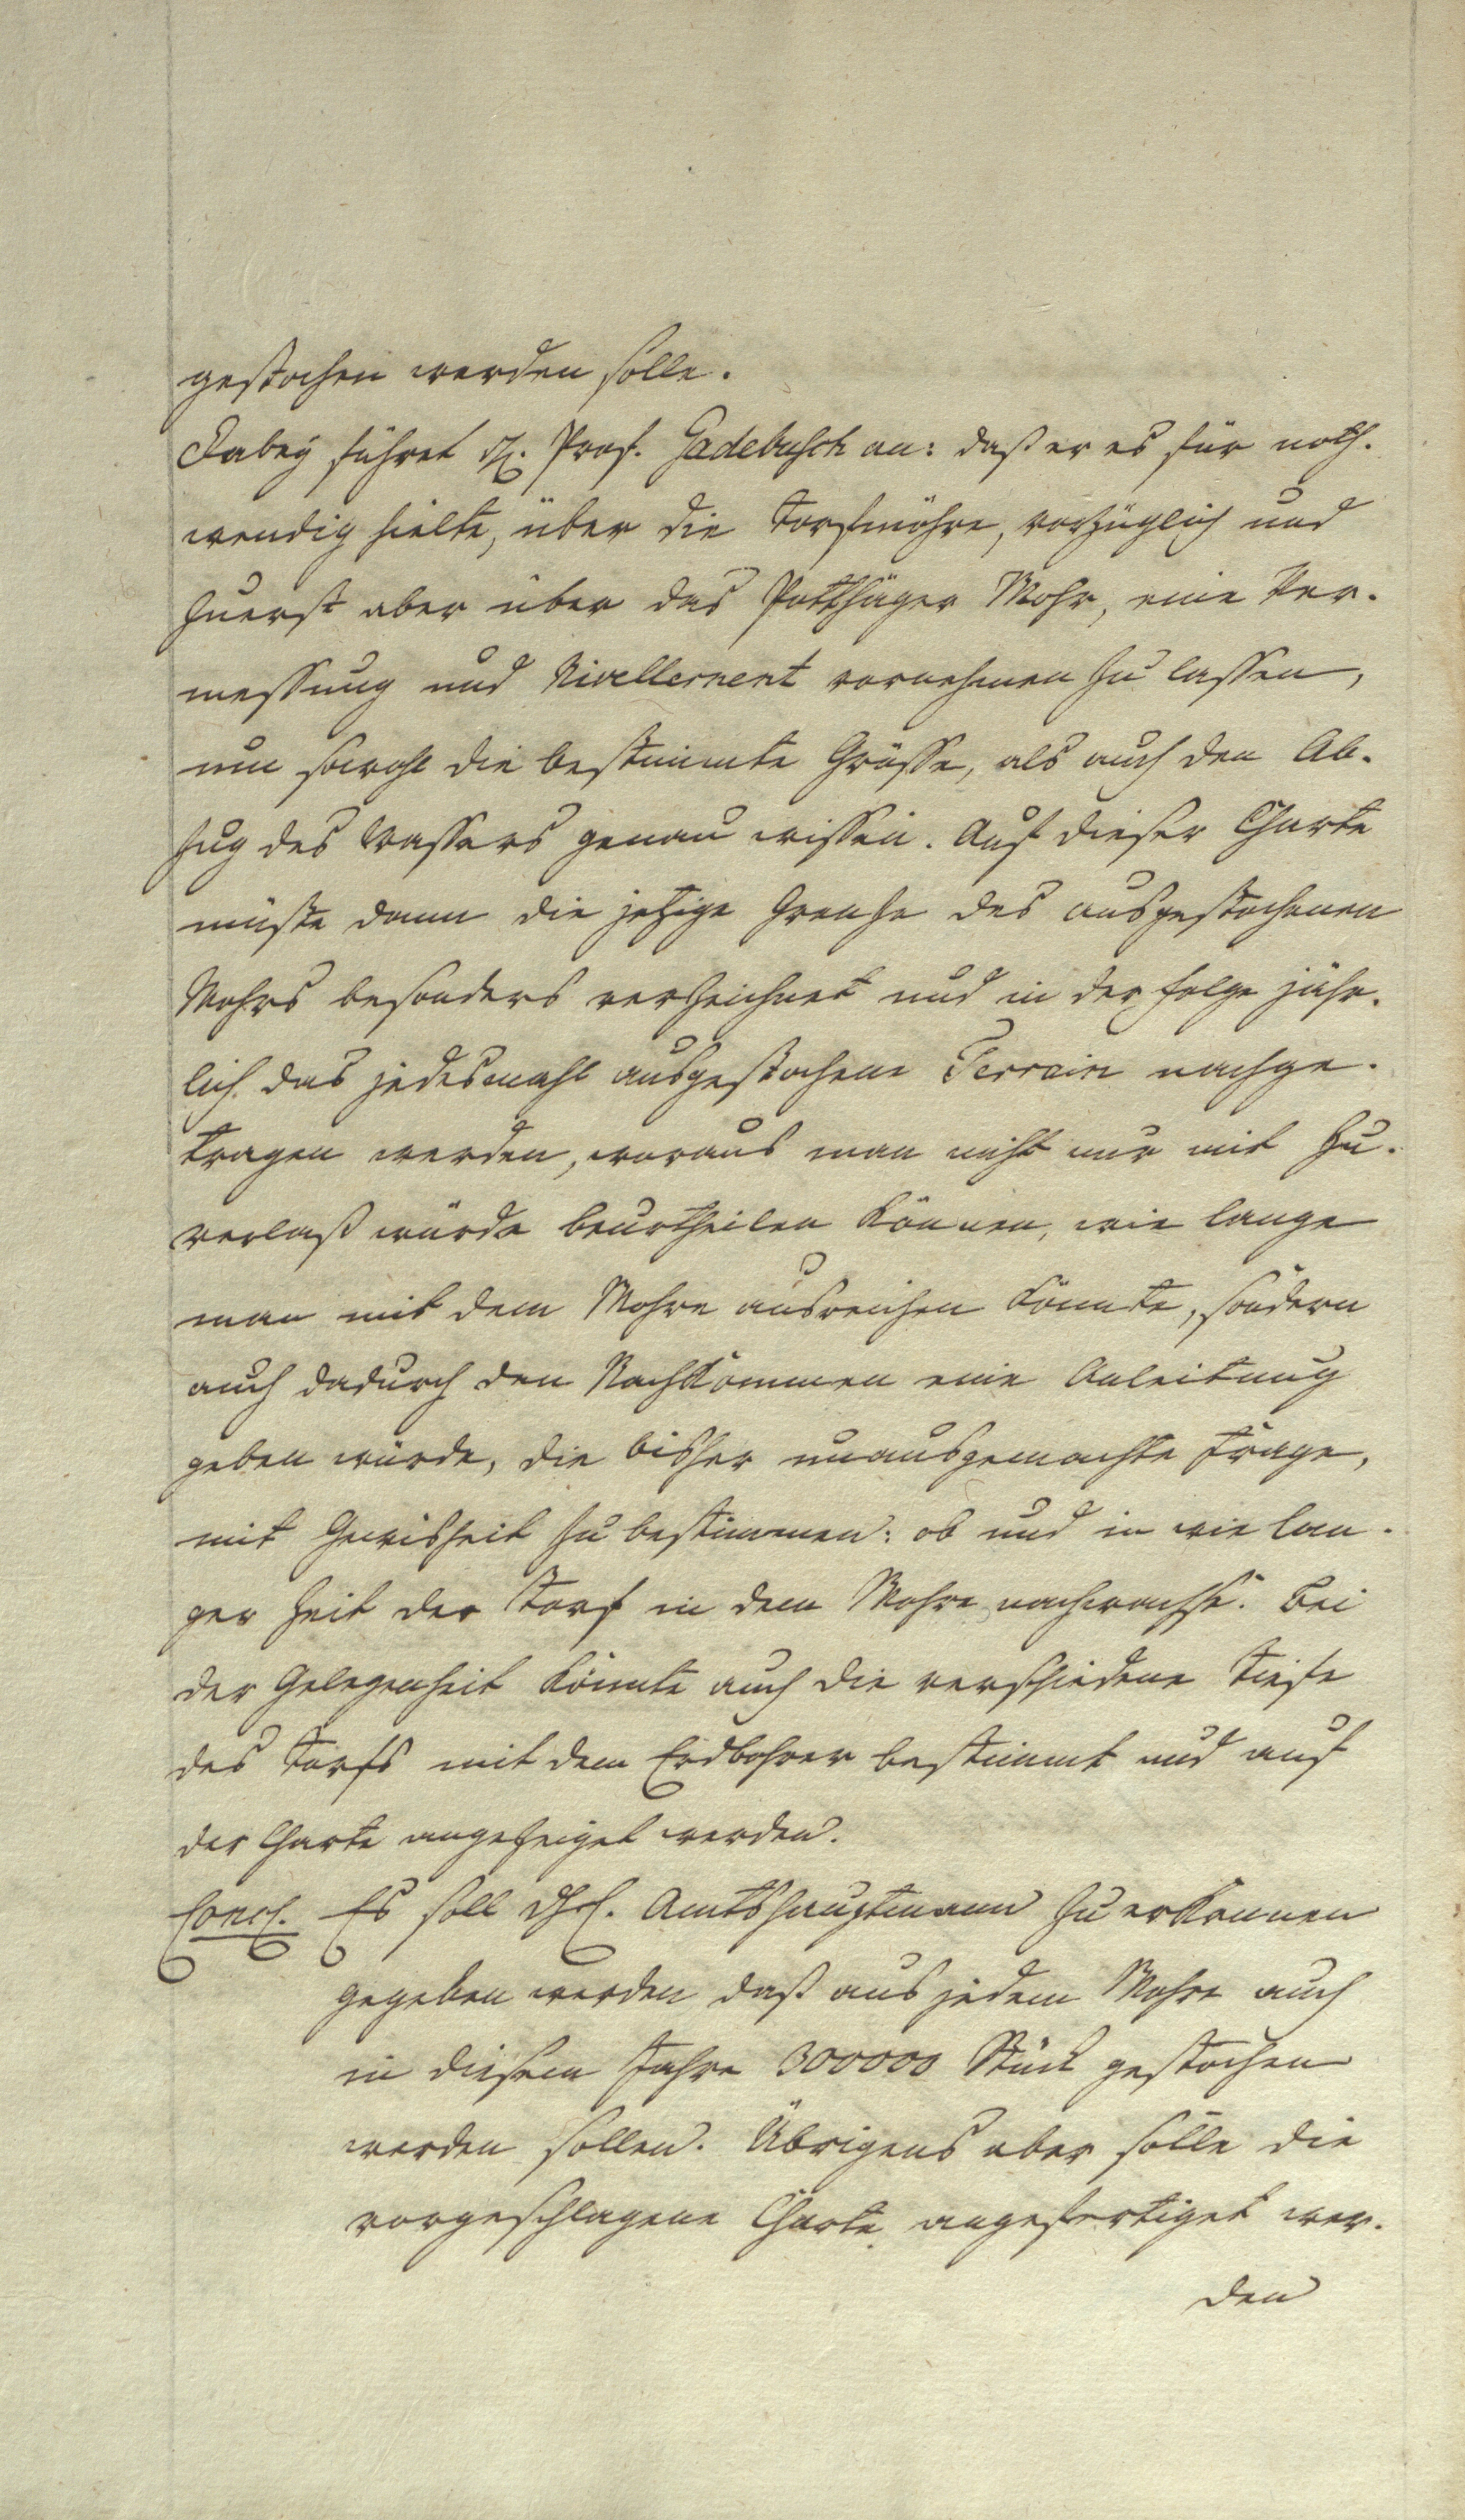gestochen werden solle.
Dabey führet dh. Prof. Gadebusch an: daß er es für noth¬
wendig hielte, über die Tormöhre, vorzüglich und
zuerst aber über das Potthäger Mohr, eine Ver-
messung und Nivellement vornehmen zu lassen,
um sowohl die bestimmte Grösse, als auch den Ab¬
zug des Wassers genau wissen. Auf dieser Charte
müßte dann die jetzige Grenze des ausgestochenen
Mohres besonders verzeichnet und in der Folge jähr¬
lich das jedesmahl ausgestochene Terrain nachge¬
tragen werden, woraus man nicht nur mit Zu¬
verlaß würde beurtheilen können, wie lange
man mit dem Mohre ausreichen könnte, sondern
auch dadurch den Nachkommen eine Anleitung
geben würde, die bisher unausgemachte Frage,
mit Gewisheit zu bestimmen: ob und in wie lan¬
ger Zeit der Torf in dem Mohre nachwachse. Bei
der Gelegenheit könnte auch die verschiedene Reife
des Torfs mit dem Erdbohrer bestimmt und auf
der Charte angezeiget werden.
Concl. Es soll dh. Amtshauptmann zu erkennen
gegeben werden daß aus jedem Mohr auch
in diesem Jahre 300000 Stück gestochen
werden sollen. Übrigens aber solle die
vorgeschlagene Charte angefertiget wer¬
den